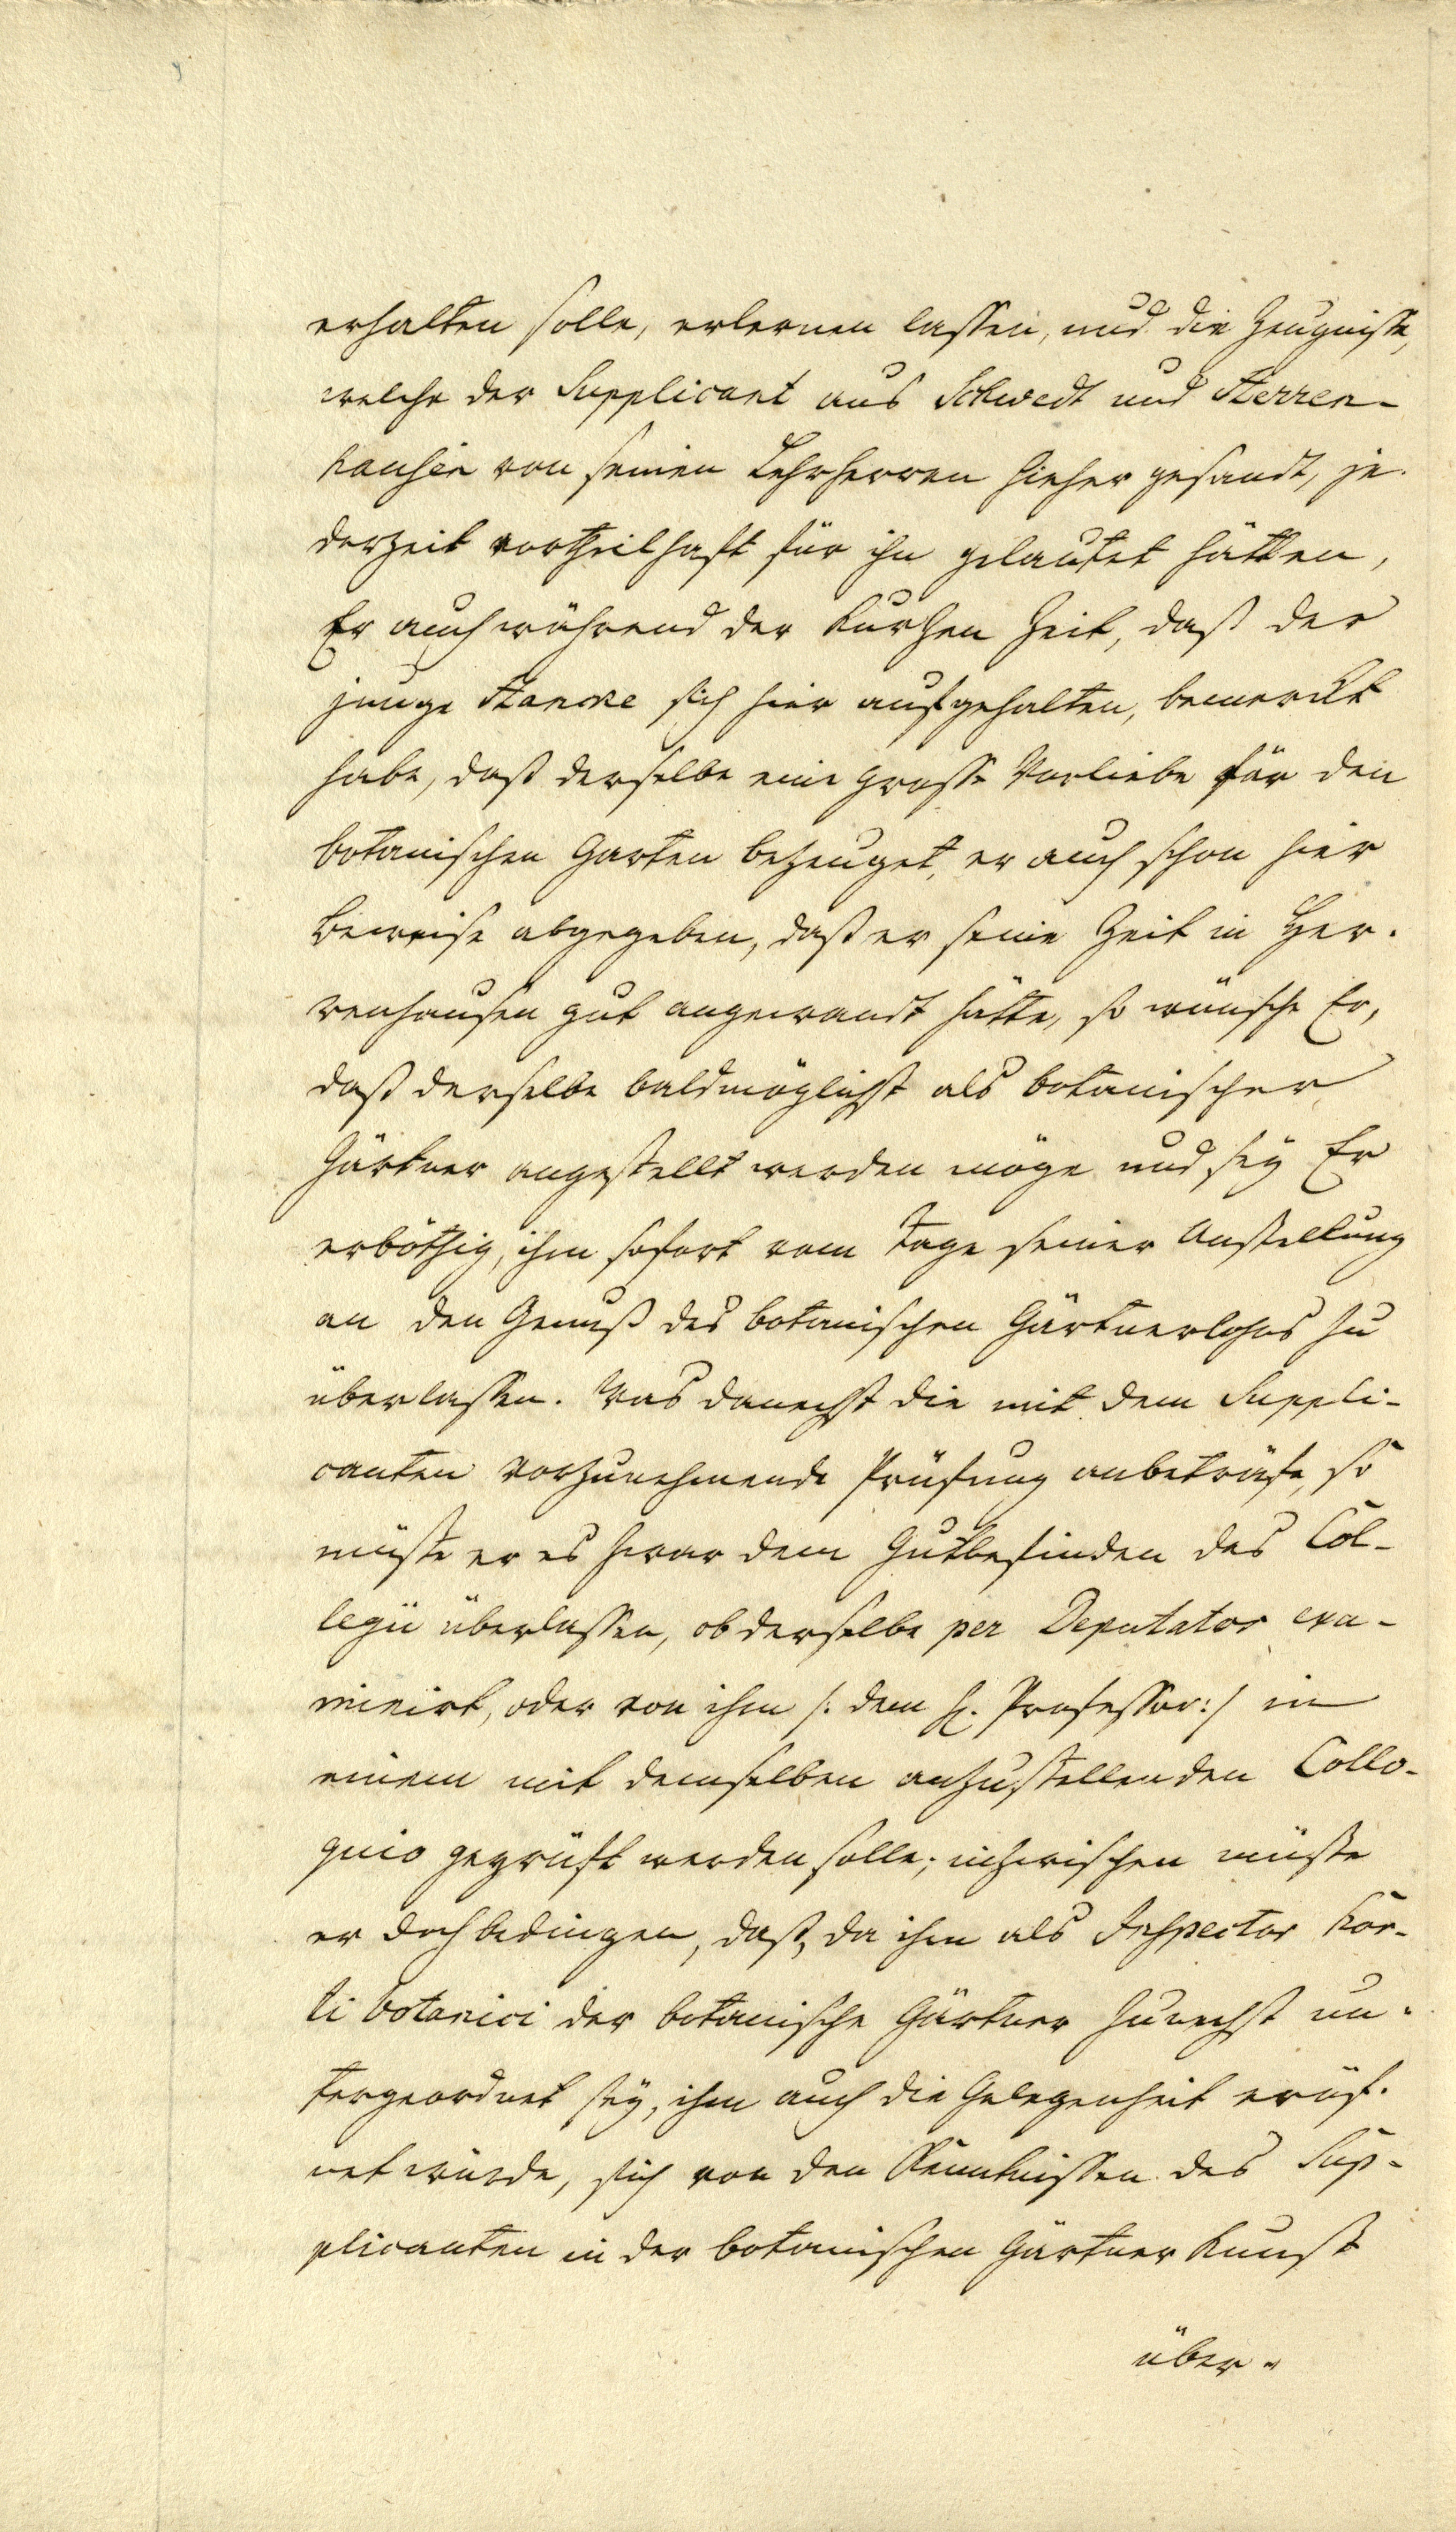erhalten solle, erlernen lassen, und die Zeugnisse
welche der Supplicant aus Schwedt und Herren¬
hausen von seinen Lehrherren hieher gesandt, je¬
derzeit vortheilhaft für ihn gelautet hätten,
Er auch während der kurzen Zeit, daß der
junge Hancke sich hier aufgehalten, bemerckt
habe, daß derselbe eine grosse Vorliebefür den
botanischen Garten bezeuget, er auch schon hier
Beweise abgegeben, daß er seine Zeit in Her¬
renhausen gut angewandt hätte, so wünsche Er,
daß derselbe baldmöglichst als botanischer
Gärtner angestellt werden möge und seÿ Er
erböthig, ihm sofort vom Tage seiner Anstellung
an den Genuß des botanischen Gärtnerlohns zu
überlassen. Was danechst die mit dem Suppli¬
canten vorzunehmende Prüfung anbeträfe, so
müste er es zwar dem Gutbefinden des Col¬
legii überlassen, ob derselbe per Deputatos exa¬
minirt, oder von ihm / dem h. Professor / in
einem mit demselben anzustellenden Collo¬
quio geprüft werden solle; inzwischen müsse
er doch bedingen, daß, da ihm als Inspector hor¬
ti botanici der botanische Gärtner zunechst un¬
tergeordnet seÿ, ihm auch die Gelegenheit eröf¬
net würde, sich von den Kenntnissen des Sup¬
plicanten in der botanischen Gärtner Kunst
über